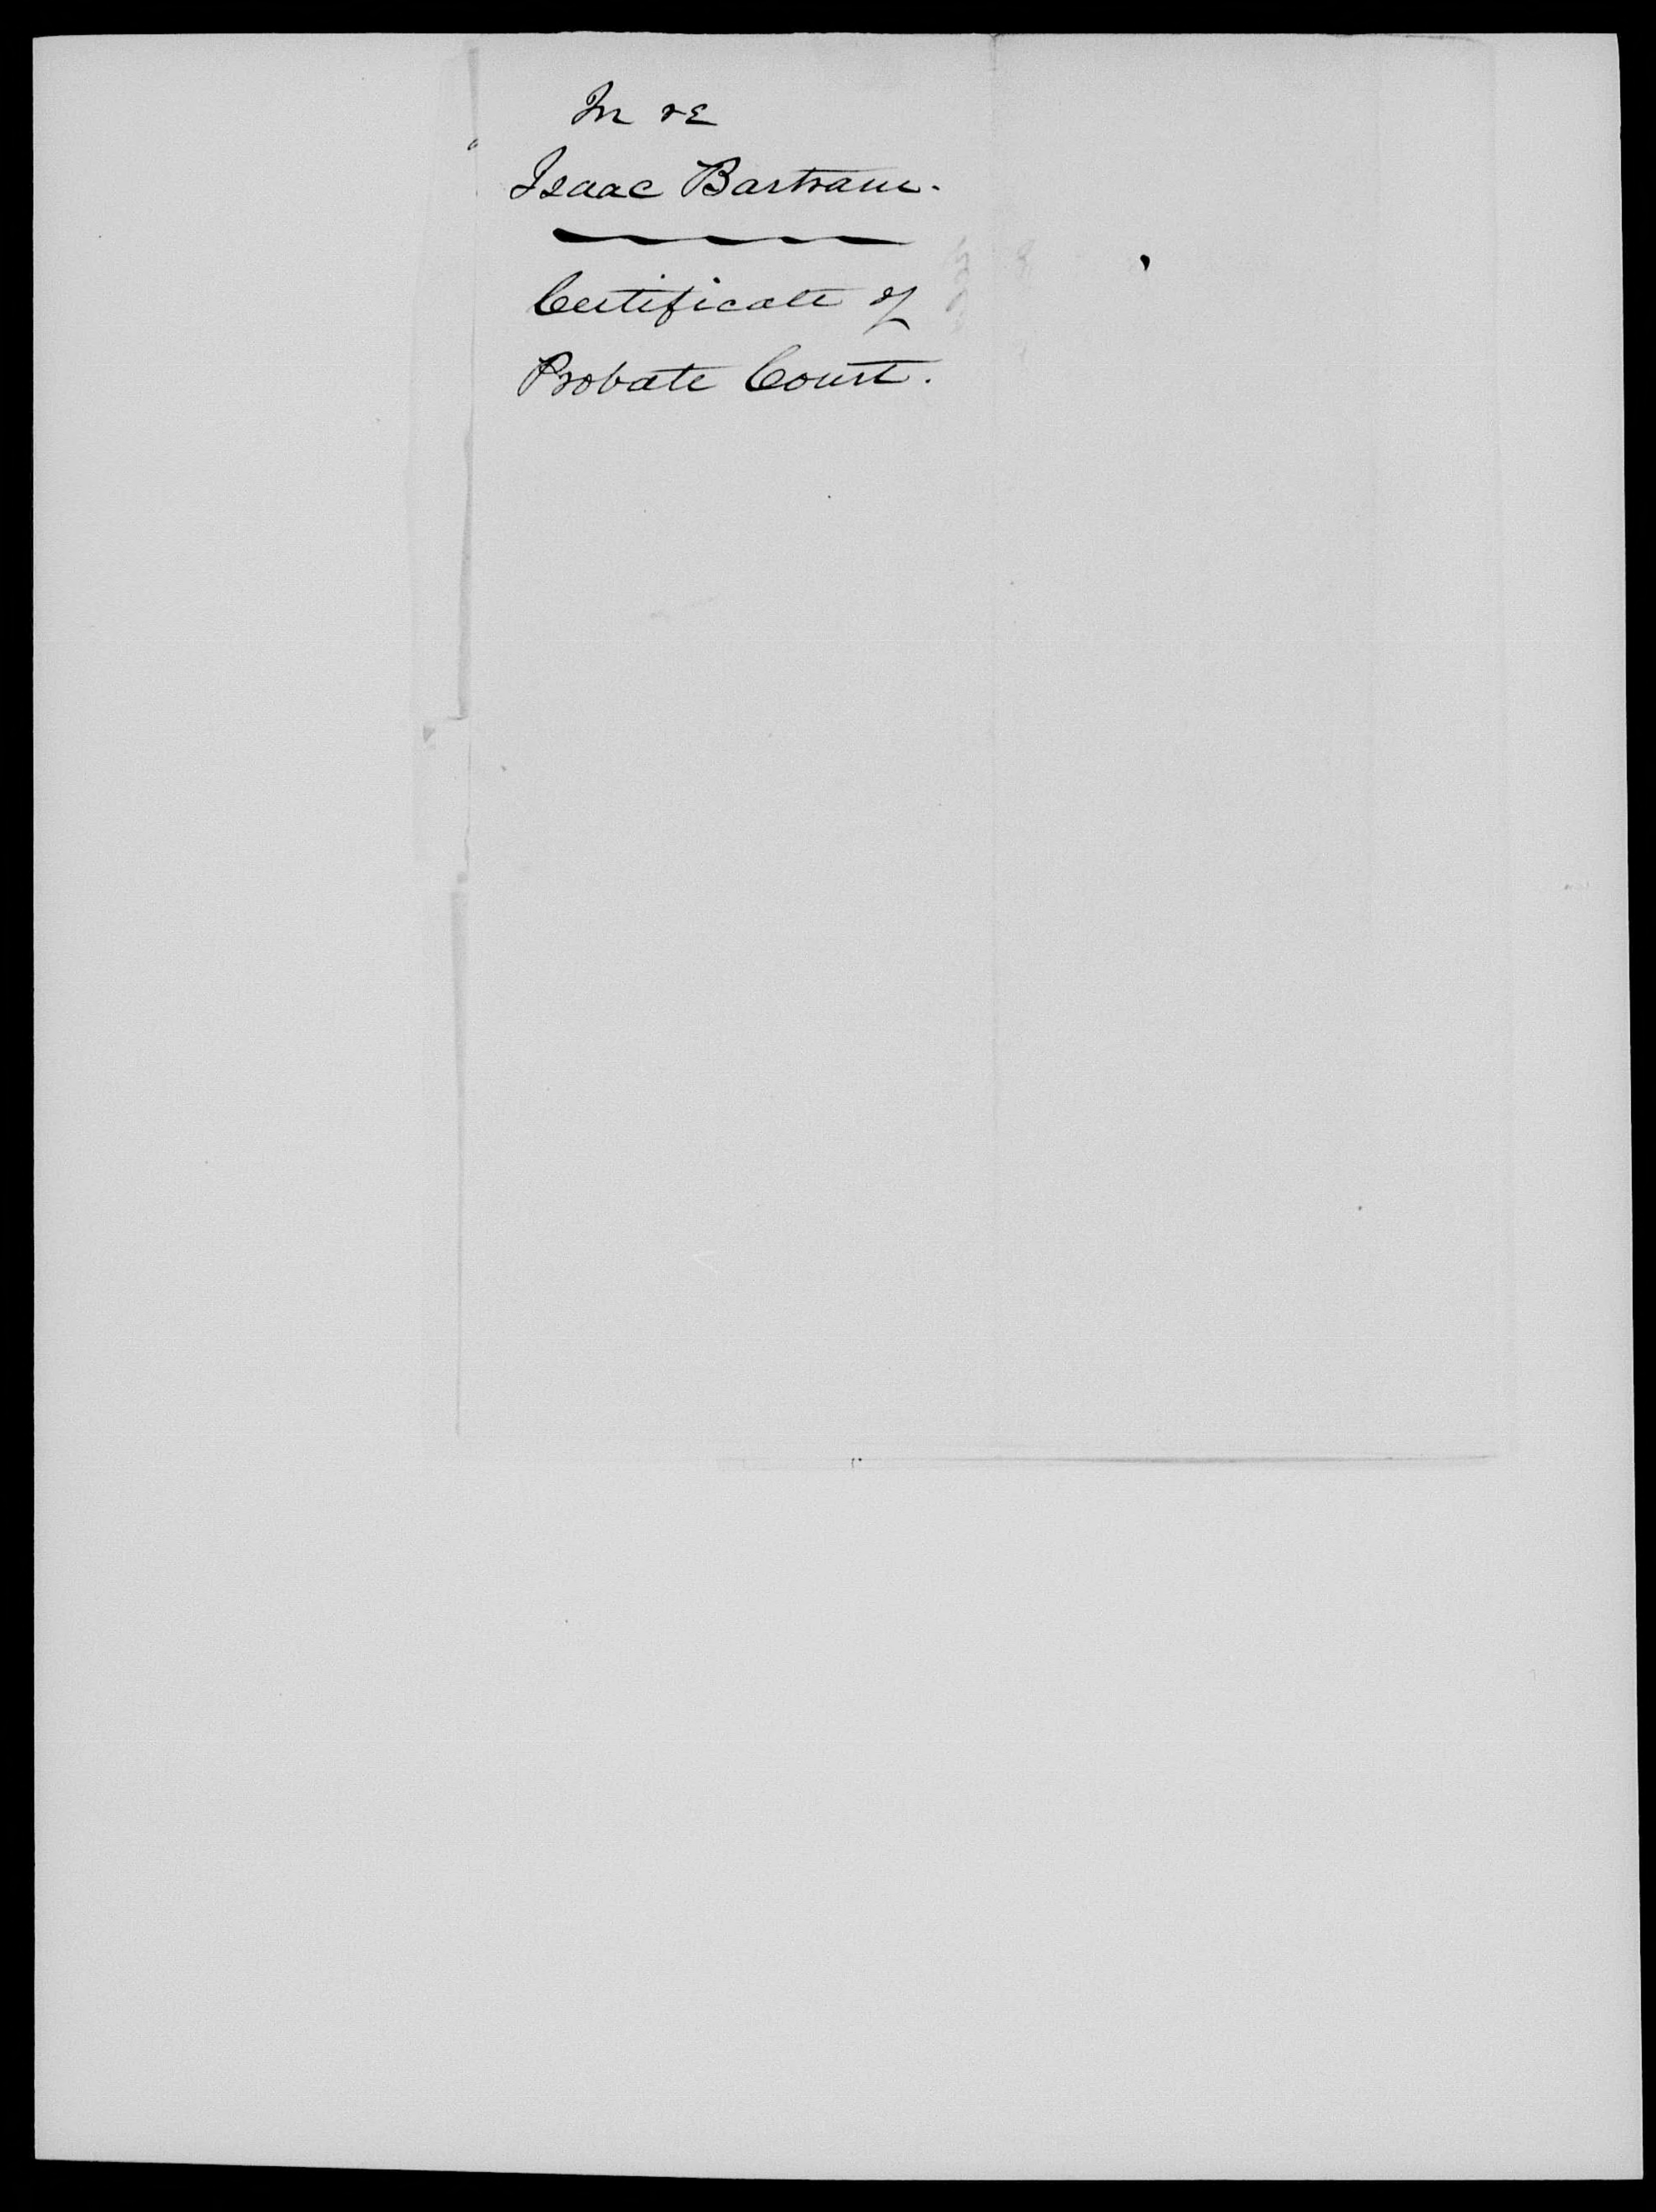In re
Isaac Bartram

Certificate of
Probate Court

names: Isaac Bartram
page: 11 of 39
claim: survivor's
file: S. 12110, Isaac Bartram, Continental (Conn)